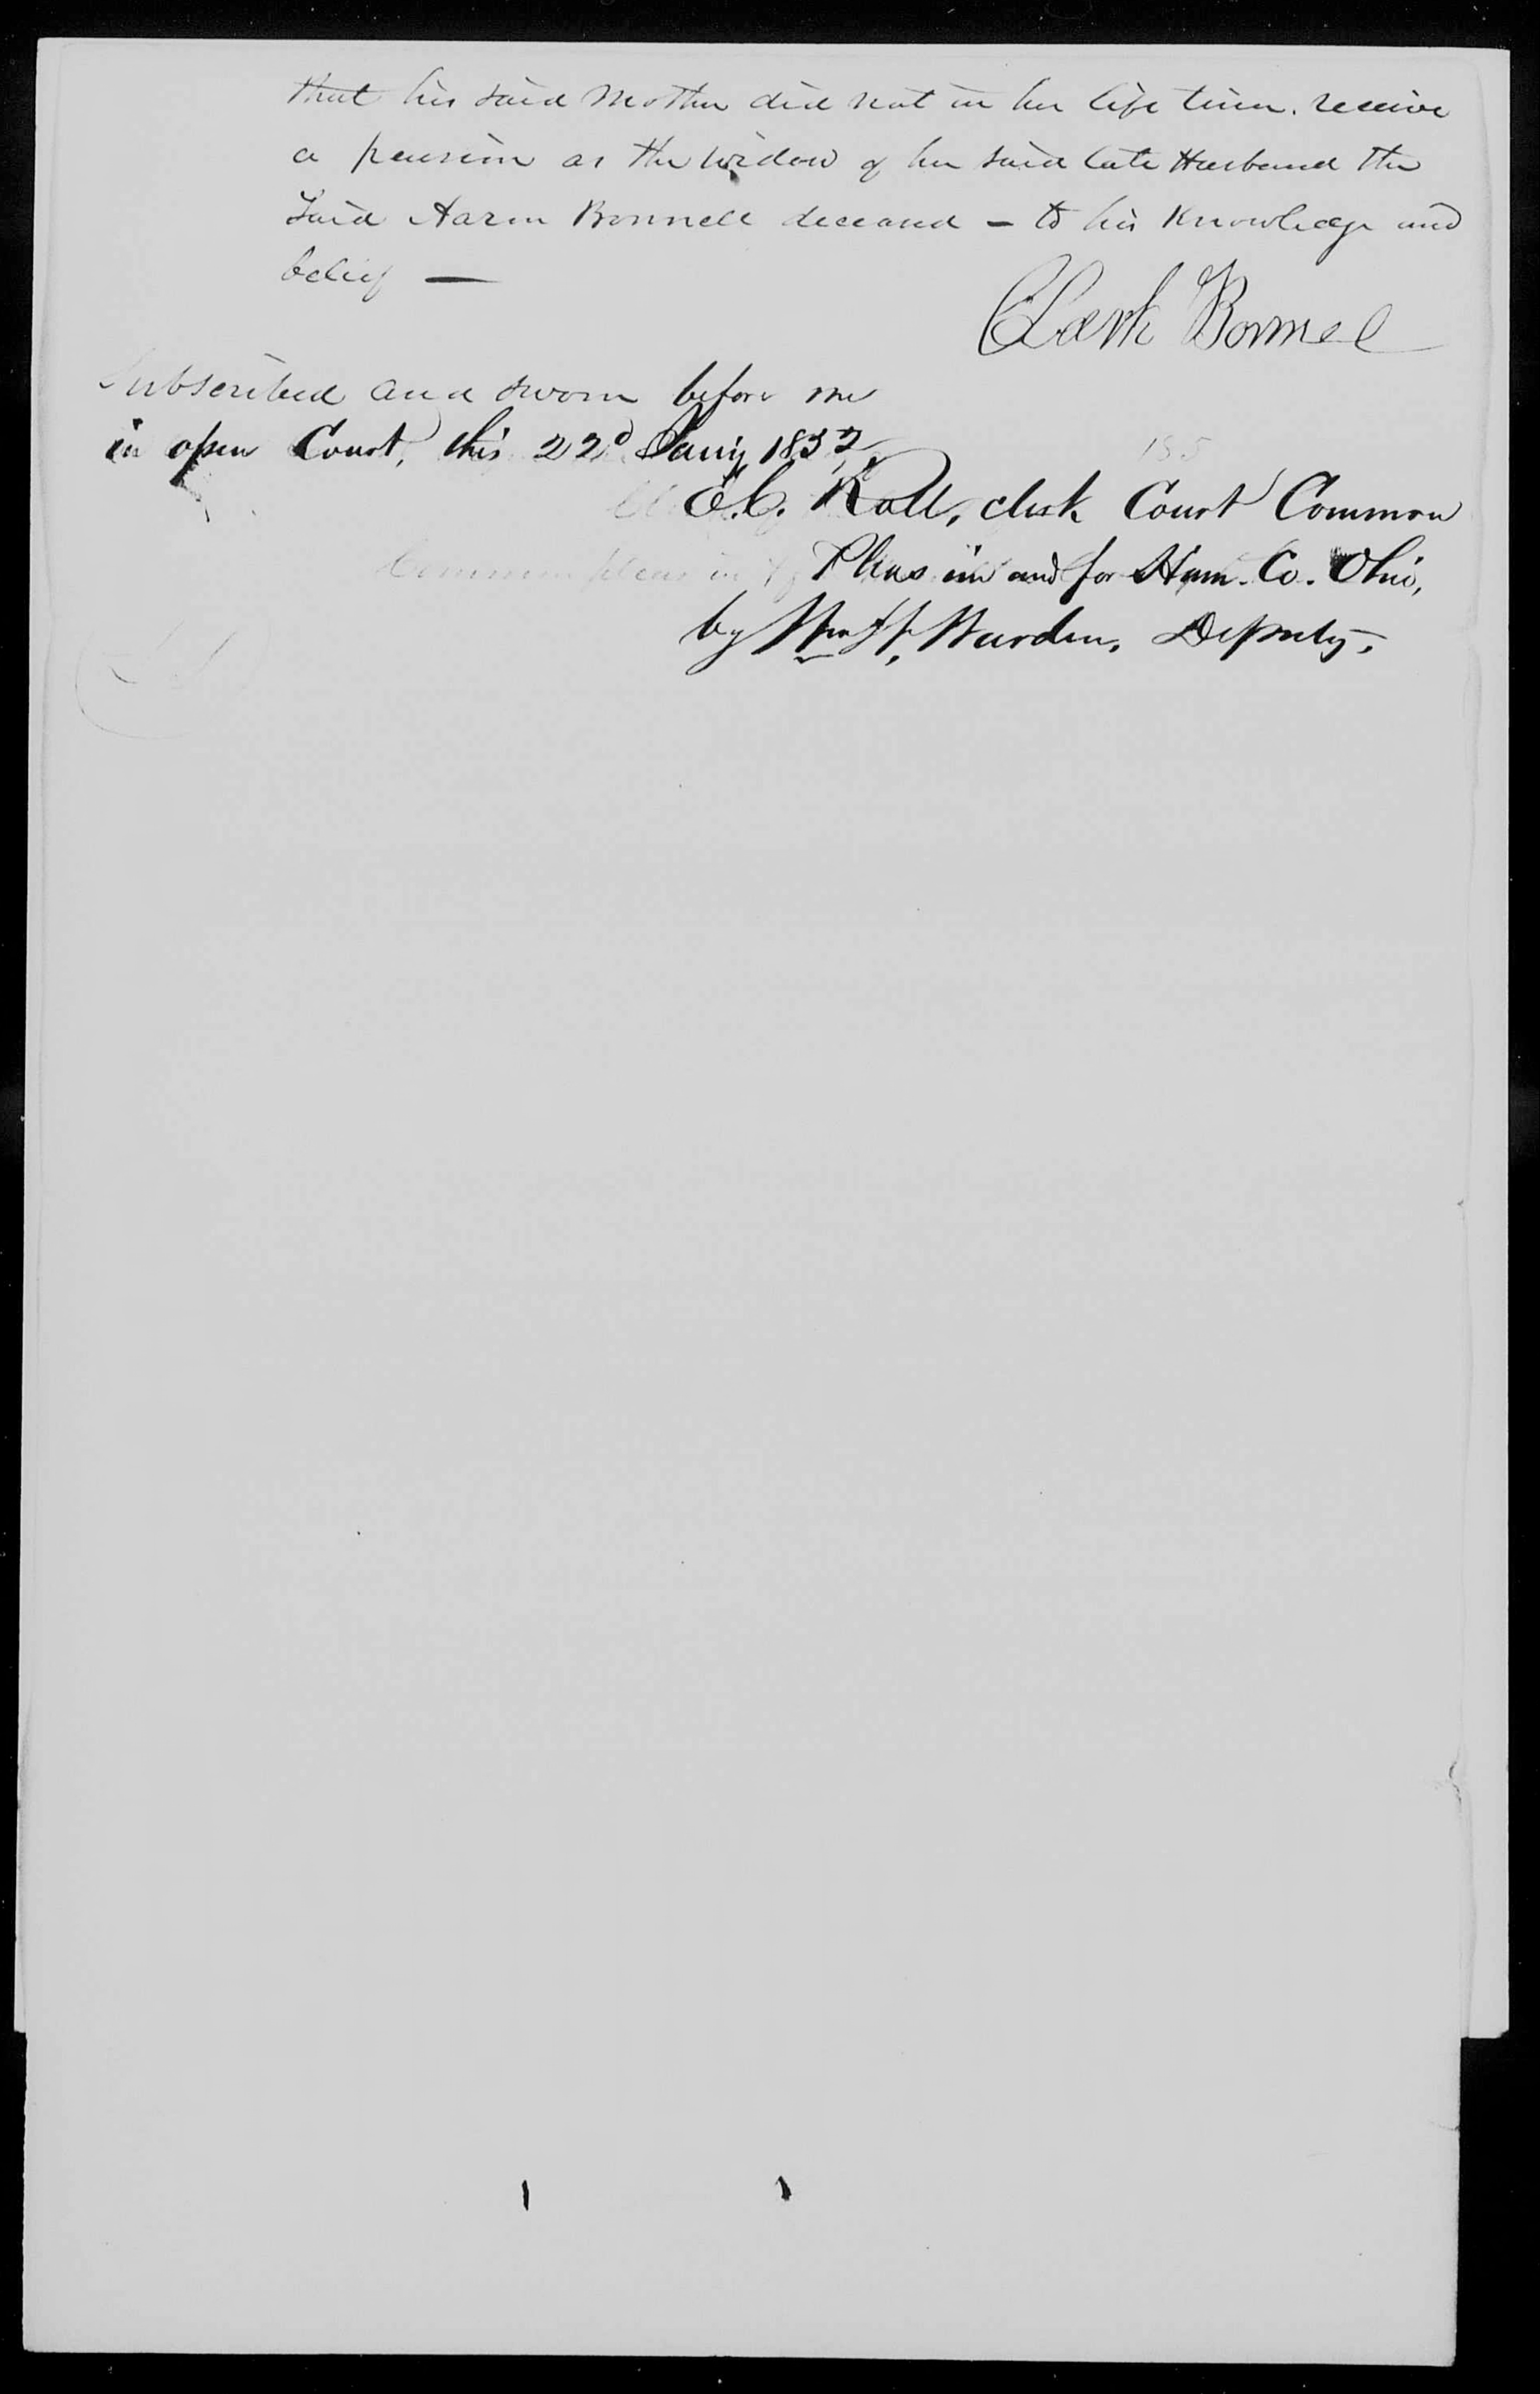that his said mother did not in her lifetime receive a pension as the widow of her said late husband the said Aaron Bonnell deceased - to his knowledge and belief.

Clark Bonnel
Subscribed and sworn before me in open court this 22nd Jany 1852.

EC Rall Clerk Court Common Pleas in and for Ham Co. Ohio
By Wm. W Warden, Deputy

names: Clark Bonnel, Wm W Warden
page: 10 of 67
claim: rejected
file: R. 1009, Aaron Bonnel, New Jersey